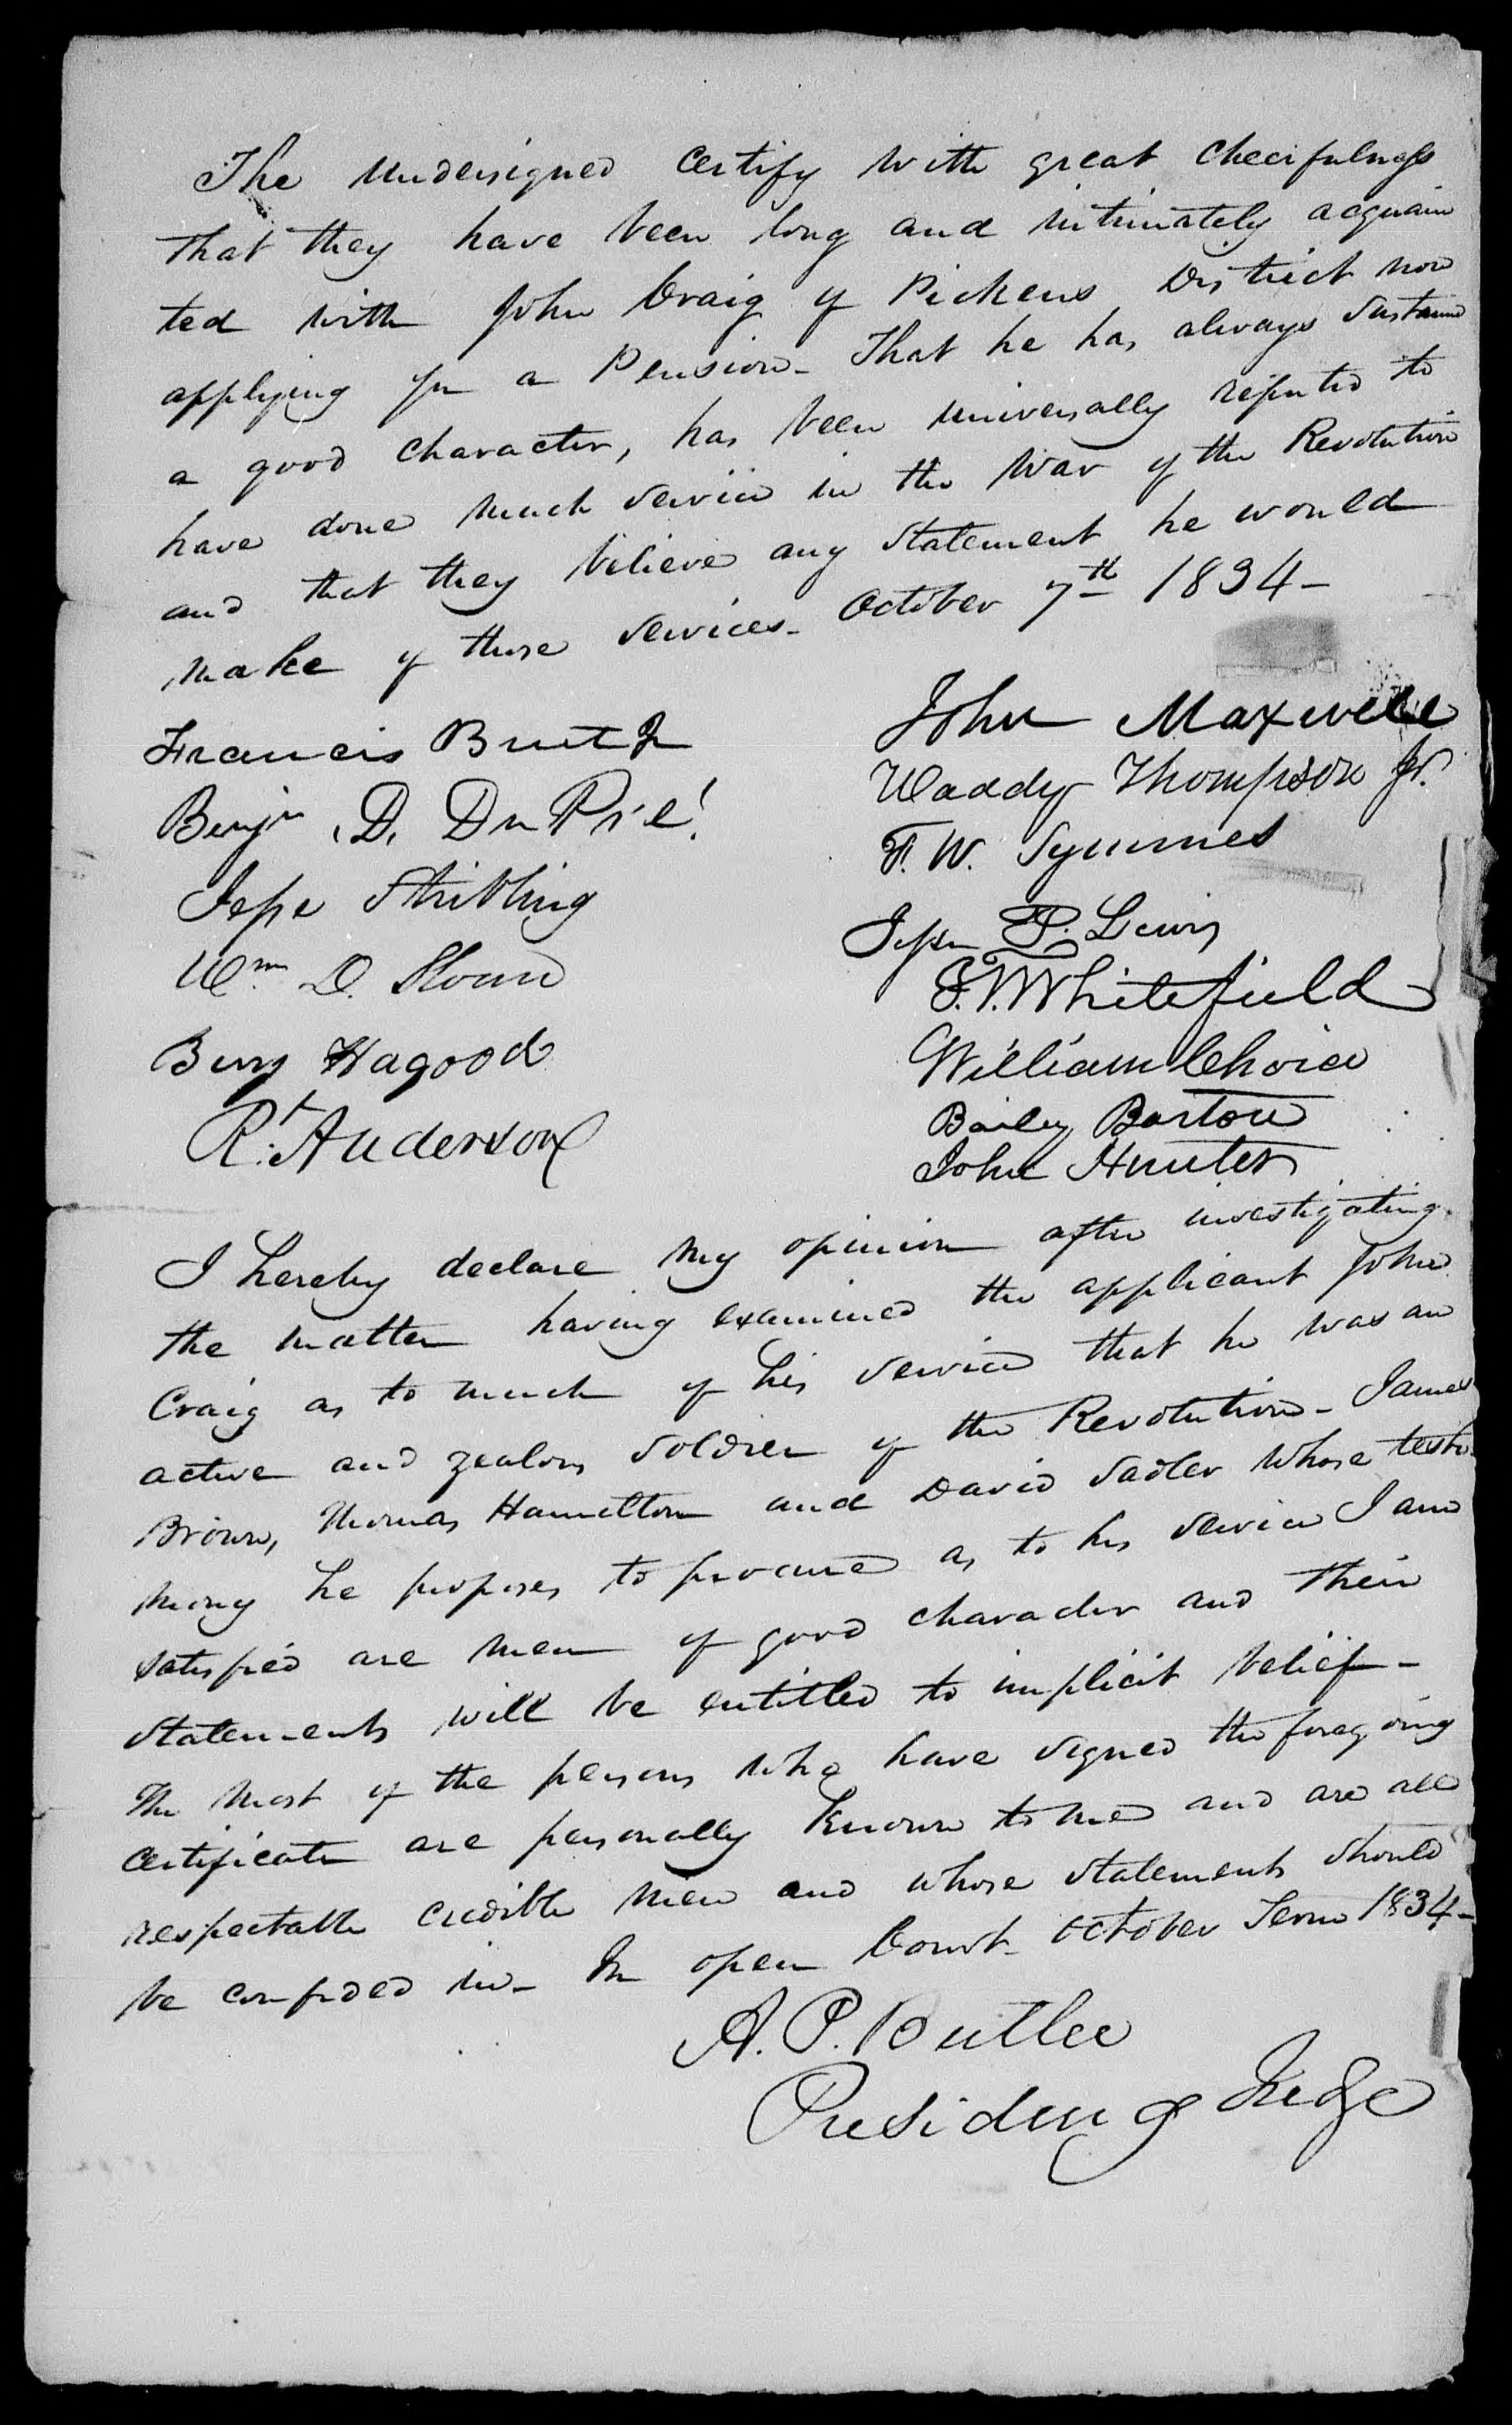The undersigned certify with great
cheerfulness that they have
been long and intimately acquainted with
John Craig of Pickens District now applying
for a pension. That he has always sustained
a good character, has been universally reported to have done much service in the War of the Revolution and that they believe any statement he would make of these services.
October 7th 1834 -
[signatures]
Francis Burt Jr.
John Maxwell
Benji D. DuPre
Waddy Thompson Jr.
Jesse Stribling
F.W. Symmes
Wm. D. Sloan
Jesse P. Lewis
Berry [or Burg] Hagood
William Choice
R. Anderson
Bailey Barton
John Hunter
I hereby declare my opinion after investigating the matter having examined
the applicant John Craig as to much of his service that he was an active and zealous soldier of
the Revolution.  James Brown, Thomas Hamilton
and David Sadler whose testimony
he proposes to procure as
to his service I am satisfied are men
of good character and their statements will be entitled to implicit belief. The
most of the persons who have signed
the foregoing certificate
are personally known to me and are all
respectable credible men and whose statements
should be confided in. In open Court 
October Seven 1834
A. P. Butler
Presiding Judge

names: John Craig, William Choice, Thomas Hamilton, Wm D Sloan, Francis Burt, F W Symmes, J V Whitefield, James Brown, Bailey Barton, R Anderson, Waddy Thompson, David Sadler, A P Butler, John Maxwell, Benji D Du Pre, Jesse Stribling, John Craig, John Hunter, Benj Hagood, Jesse P Lewis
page: 40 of 55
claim: widow's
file: W. 22864, John Craig, S.C. Born In Iceland